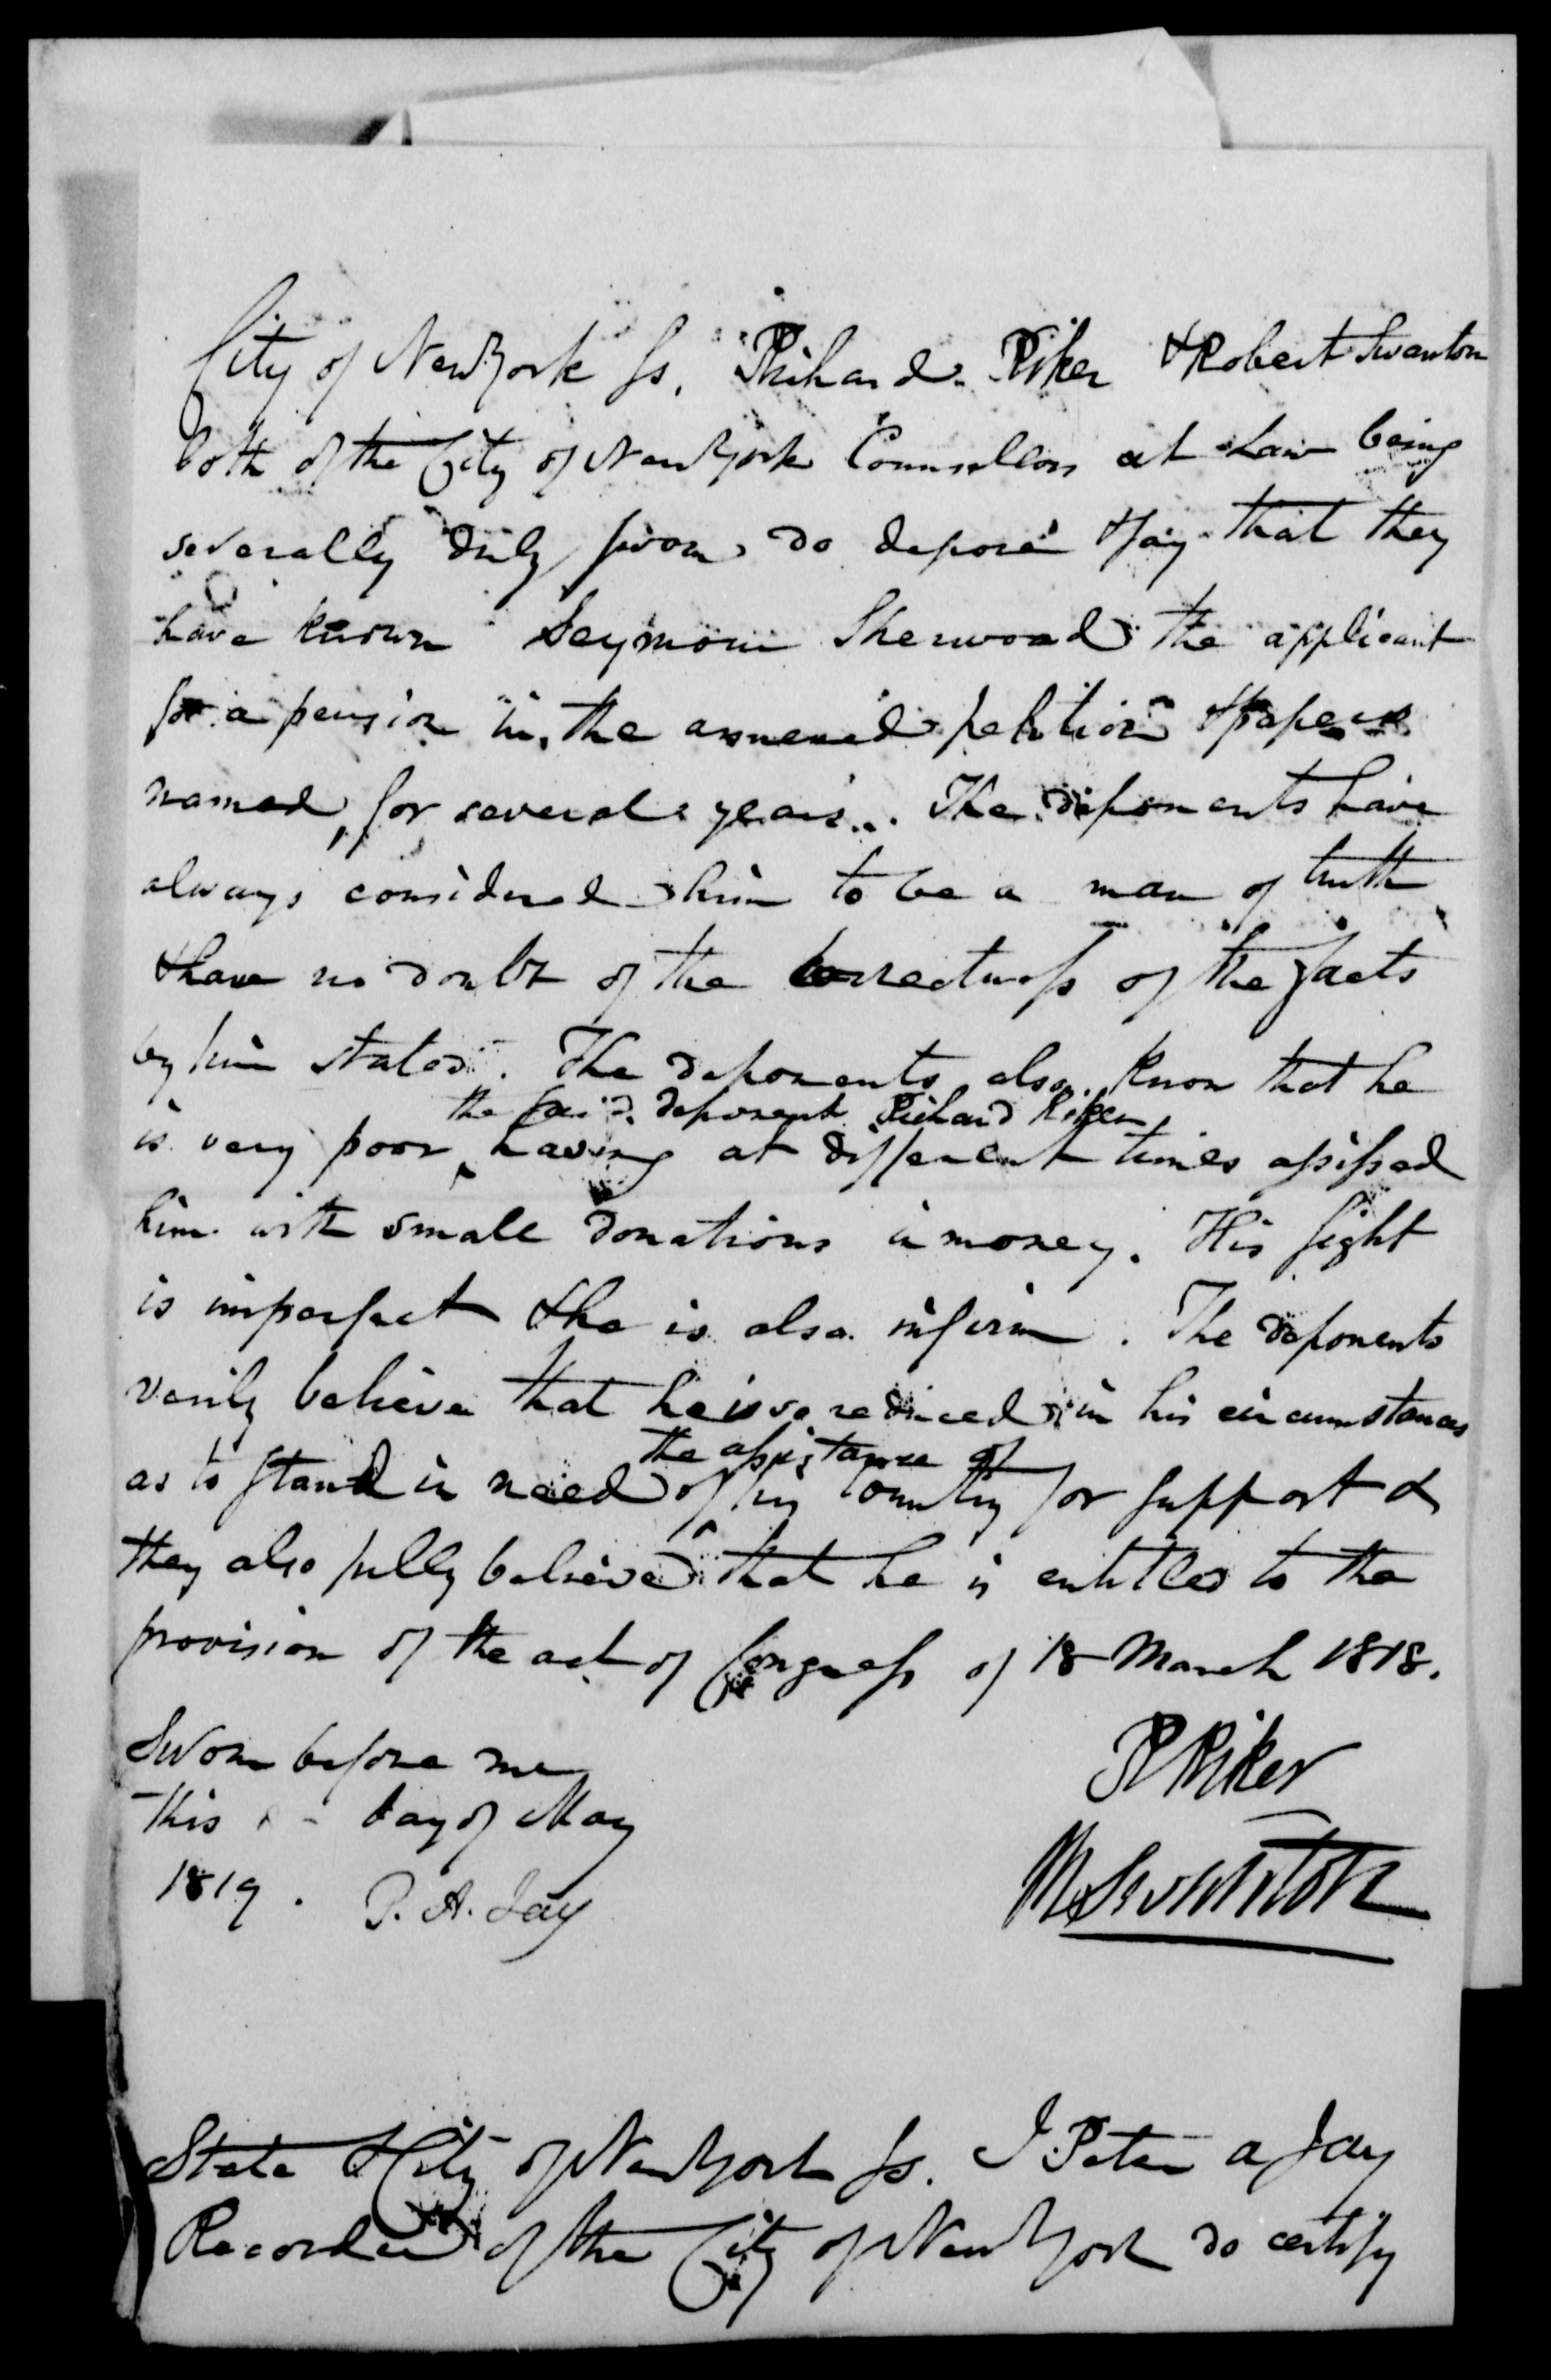City of New York ss.  Richard Riker and Robert Swanton both of the City of New York Counselors at Law being ? duly sworn do depose and say that they have sworn Seymore Sherwood the applicant for a pension in the annexed petition and papers named, for several years.  The deponents have always considered him to be a man of truth and have no doubt of the correctness of the facts by him stated.  The deponents also know that he is very poor, the said deponent Richard Riker having at different times assisted him with small donations in money.  His sight is imperfect and he is also infirm.  The deponents verily believe that he is so reduced in his circumstances as to stand in need of the assistance of his country for support and they also fully believe that he is entitled to the provision of the act of Congress of 18 March 1818.

R. Riker
R. Swanton

Sworn before me
this 6th day of May
1819.  P.A. Jay

State and City of New York ss. I Peter A. Jay Recorder of the City of New York do certify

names: R Swanton; Peter A Jay; R Riker; Richard Riker; Richard Riker; P A Jay; Seymour Sherwood; Robert Swanton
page: 20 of 30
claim: survivor's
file: S. 42289, for Seymore Sherwood, Connecticut